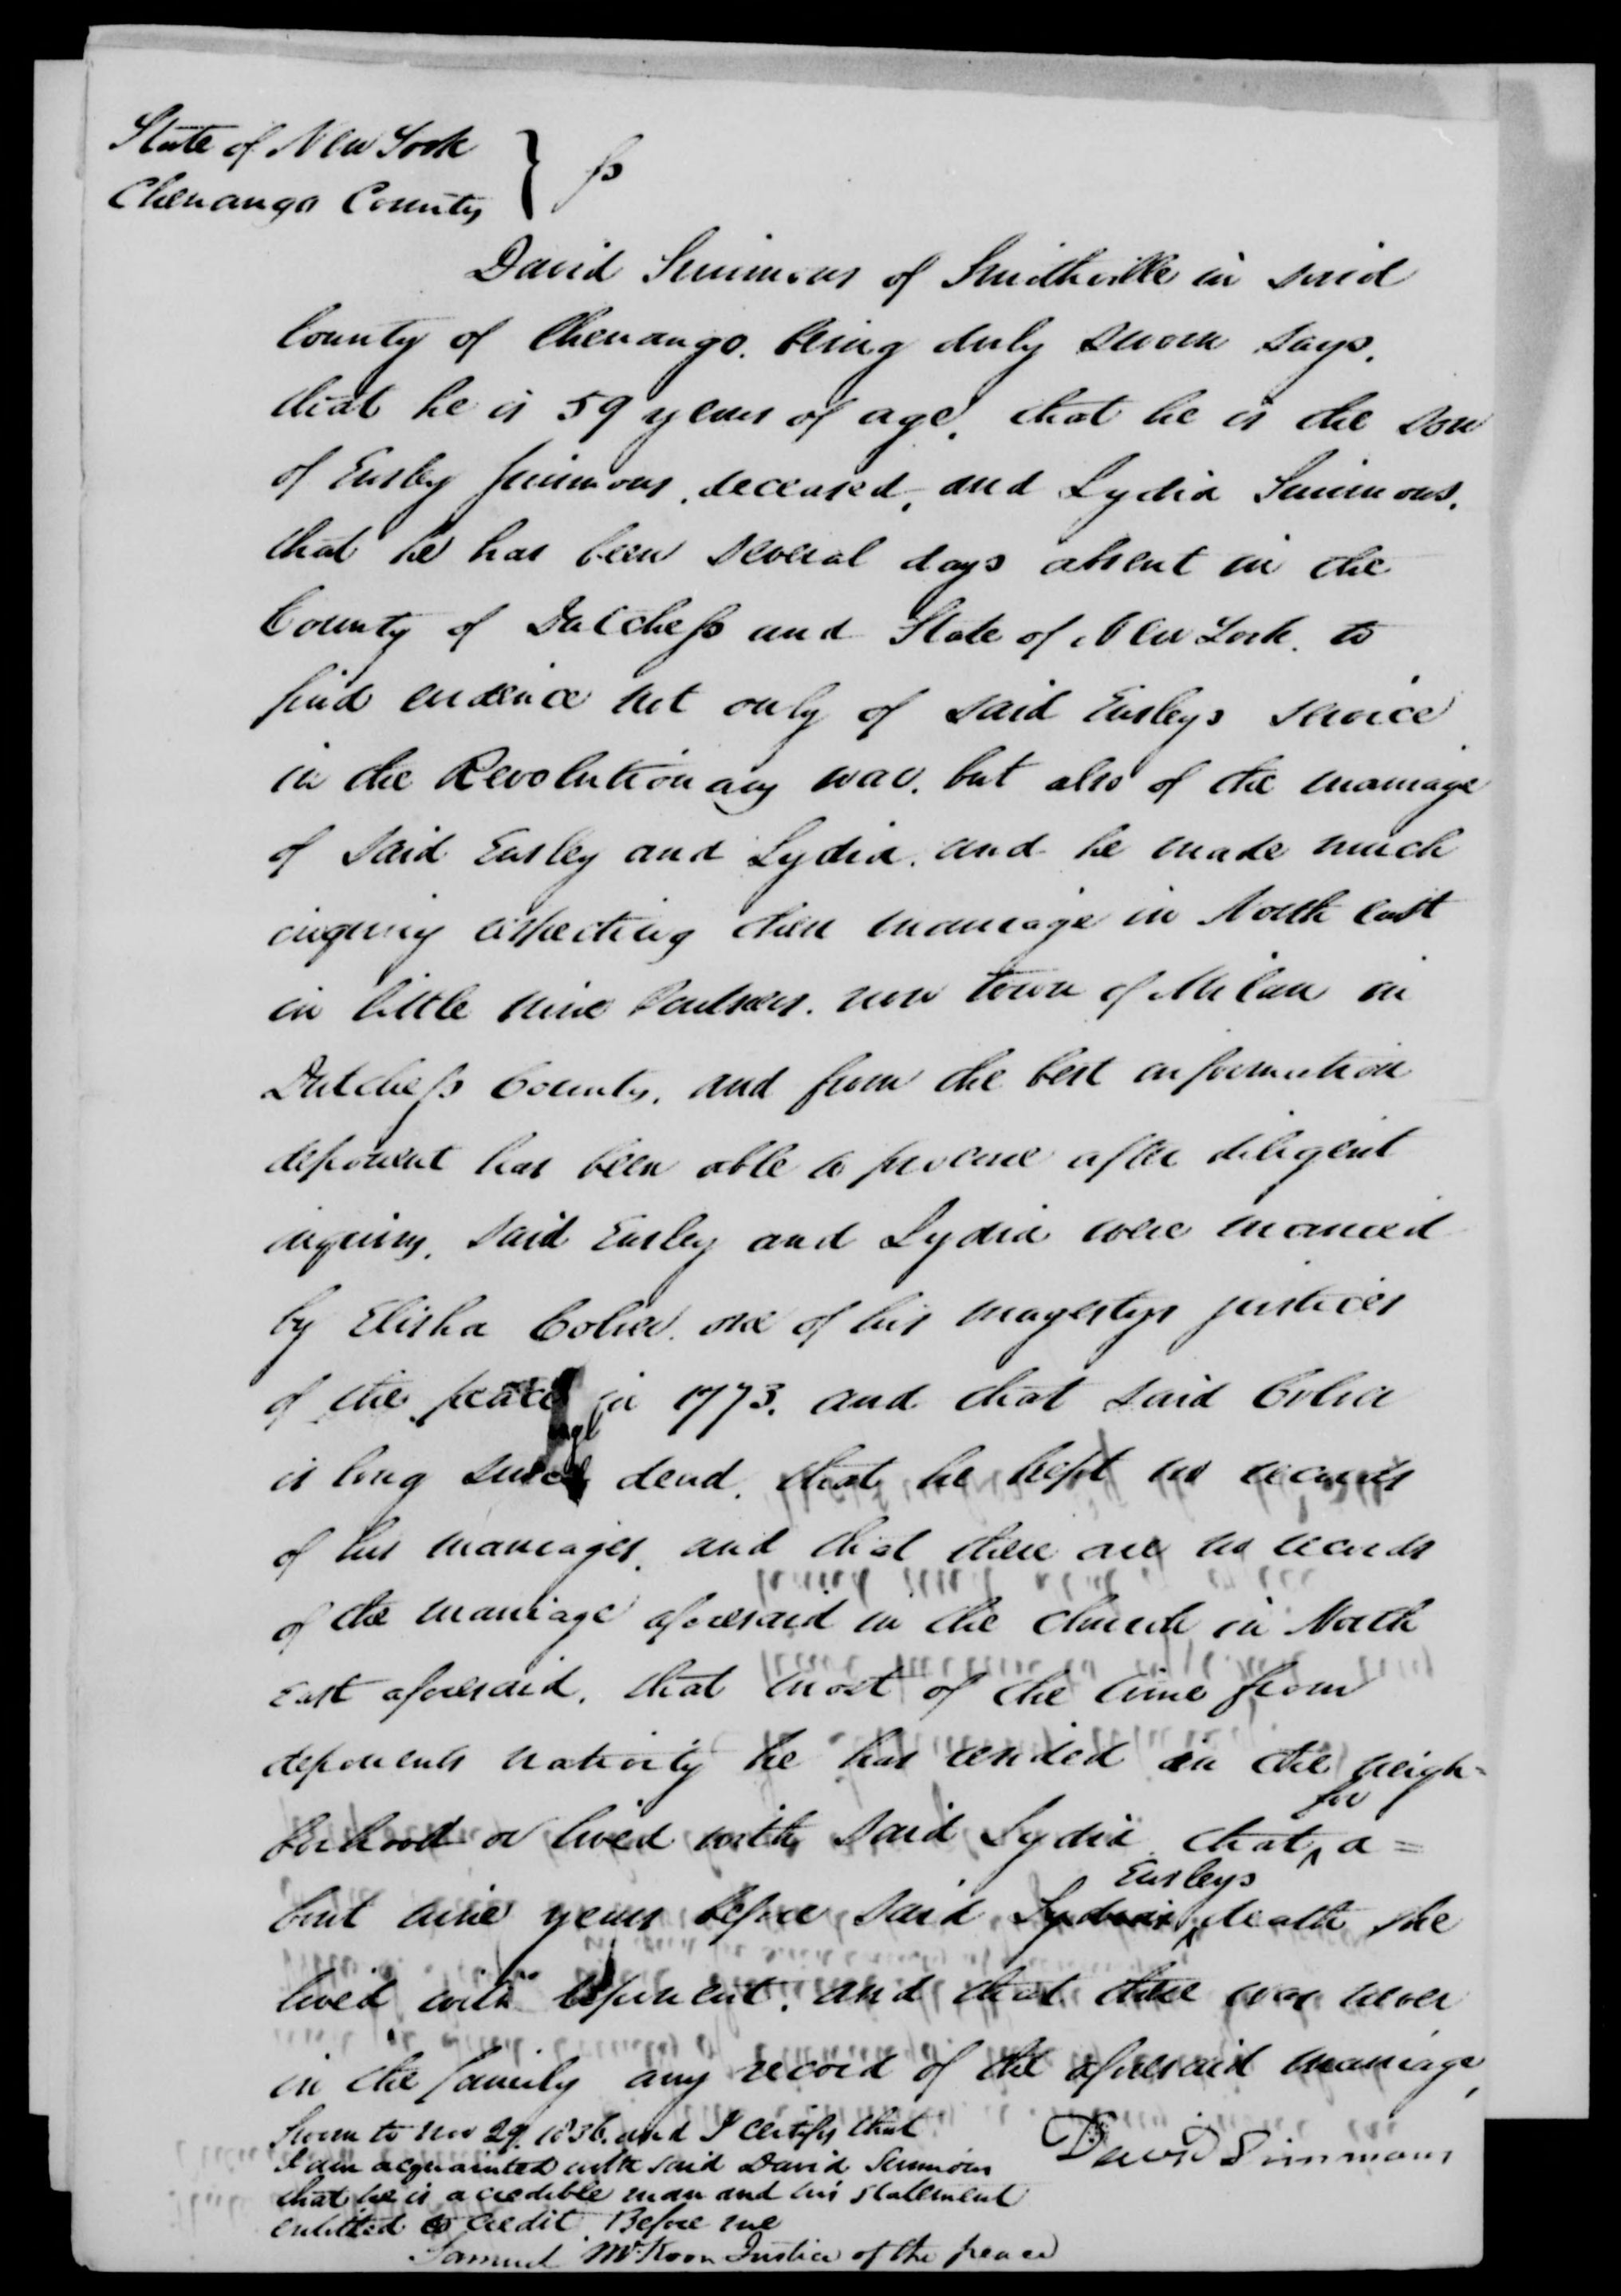State of New York
Chenango County

David Simmons of Smithville in said
County of Chenango being duly sworn says that he is 59 years of age that he is the son
of Ensley Simmons, deceased, and Lydia Simmons and
that he has been several days absent in the
County of Dutchess and State of New York to
find evidence not only of said Ensley's service
in the Revolutionary war, but also of the marriage
of said Easley and Lydia and he made much inquiry aspecting their marriage in Northeast
in little Nine Poulse, now town of Milan in
Dutchess County, and from the best information
deponent has been able to procure after diligent
inquiry said Ensley and Lydia were manied
by Elisha Colin one of his Majestys Justices
of the peace in 1773 and that said Colin
is long since dead. that he left a record of his marriages, and that there are no records of the marriage aforesaid in the Church in North
East aforesaid. that most of the time from deponents nativity he has lived in the neighborhood or
lived with said Lydia that for
about nine years before said Lydia and Ensley's death she lived with deponent.  and that there was never  
in the family any record of the aforesaid marriage.
David Simmons
Sworn to Nov 29 1836 and I certify that I am acquainted with said David Simmons and
that he is a credible man and his statement entitled to credit. Before me
Samuel McKeen, Justice of the Peace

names: David Simmons; Elisha Coha; Lydia [BLANK]; Samuel Mc Koon; Ensley [BLANK]; Ensley [BLANK]; David Simmons; Lydia [BLANK]; David Simmons; Lydia Simmons; Ensley [BLANK]; Ensley Simmons; Ensley [BLANK]; Lydia [BLANK]; Lydia [BLANK]; [BLANK] Coha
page: 28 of 29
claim: widow's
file: W. 19,032, for Ensley Simmons, New York